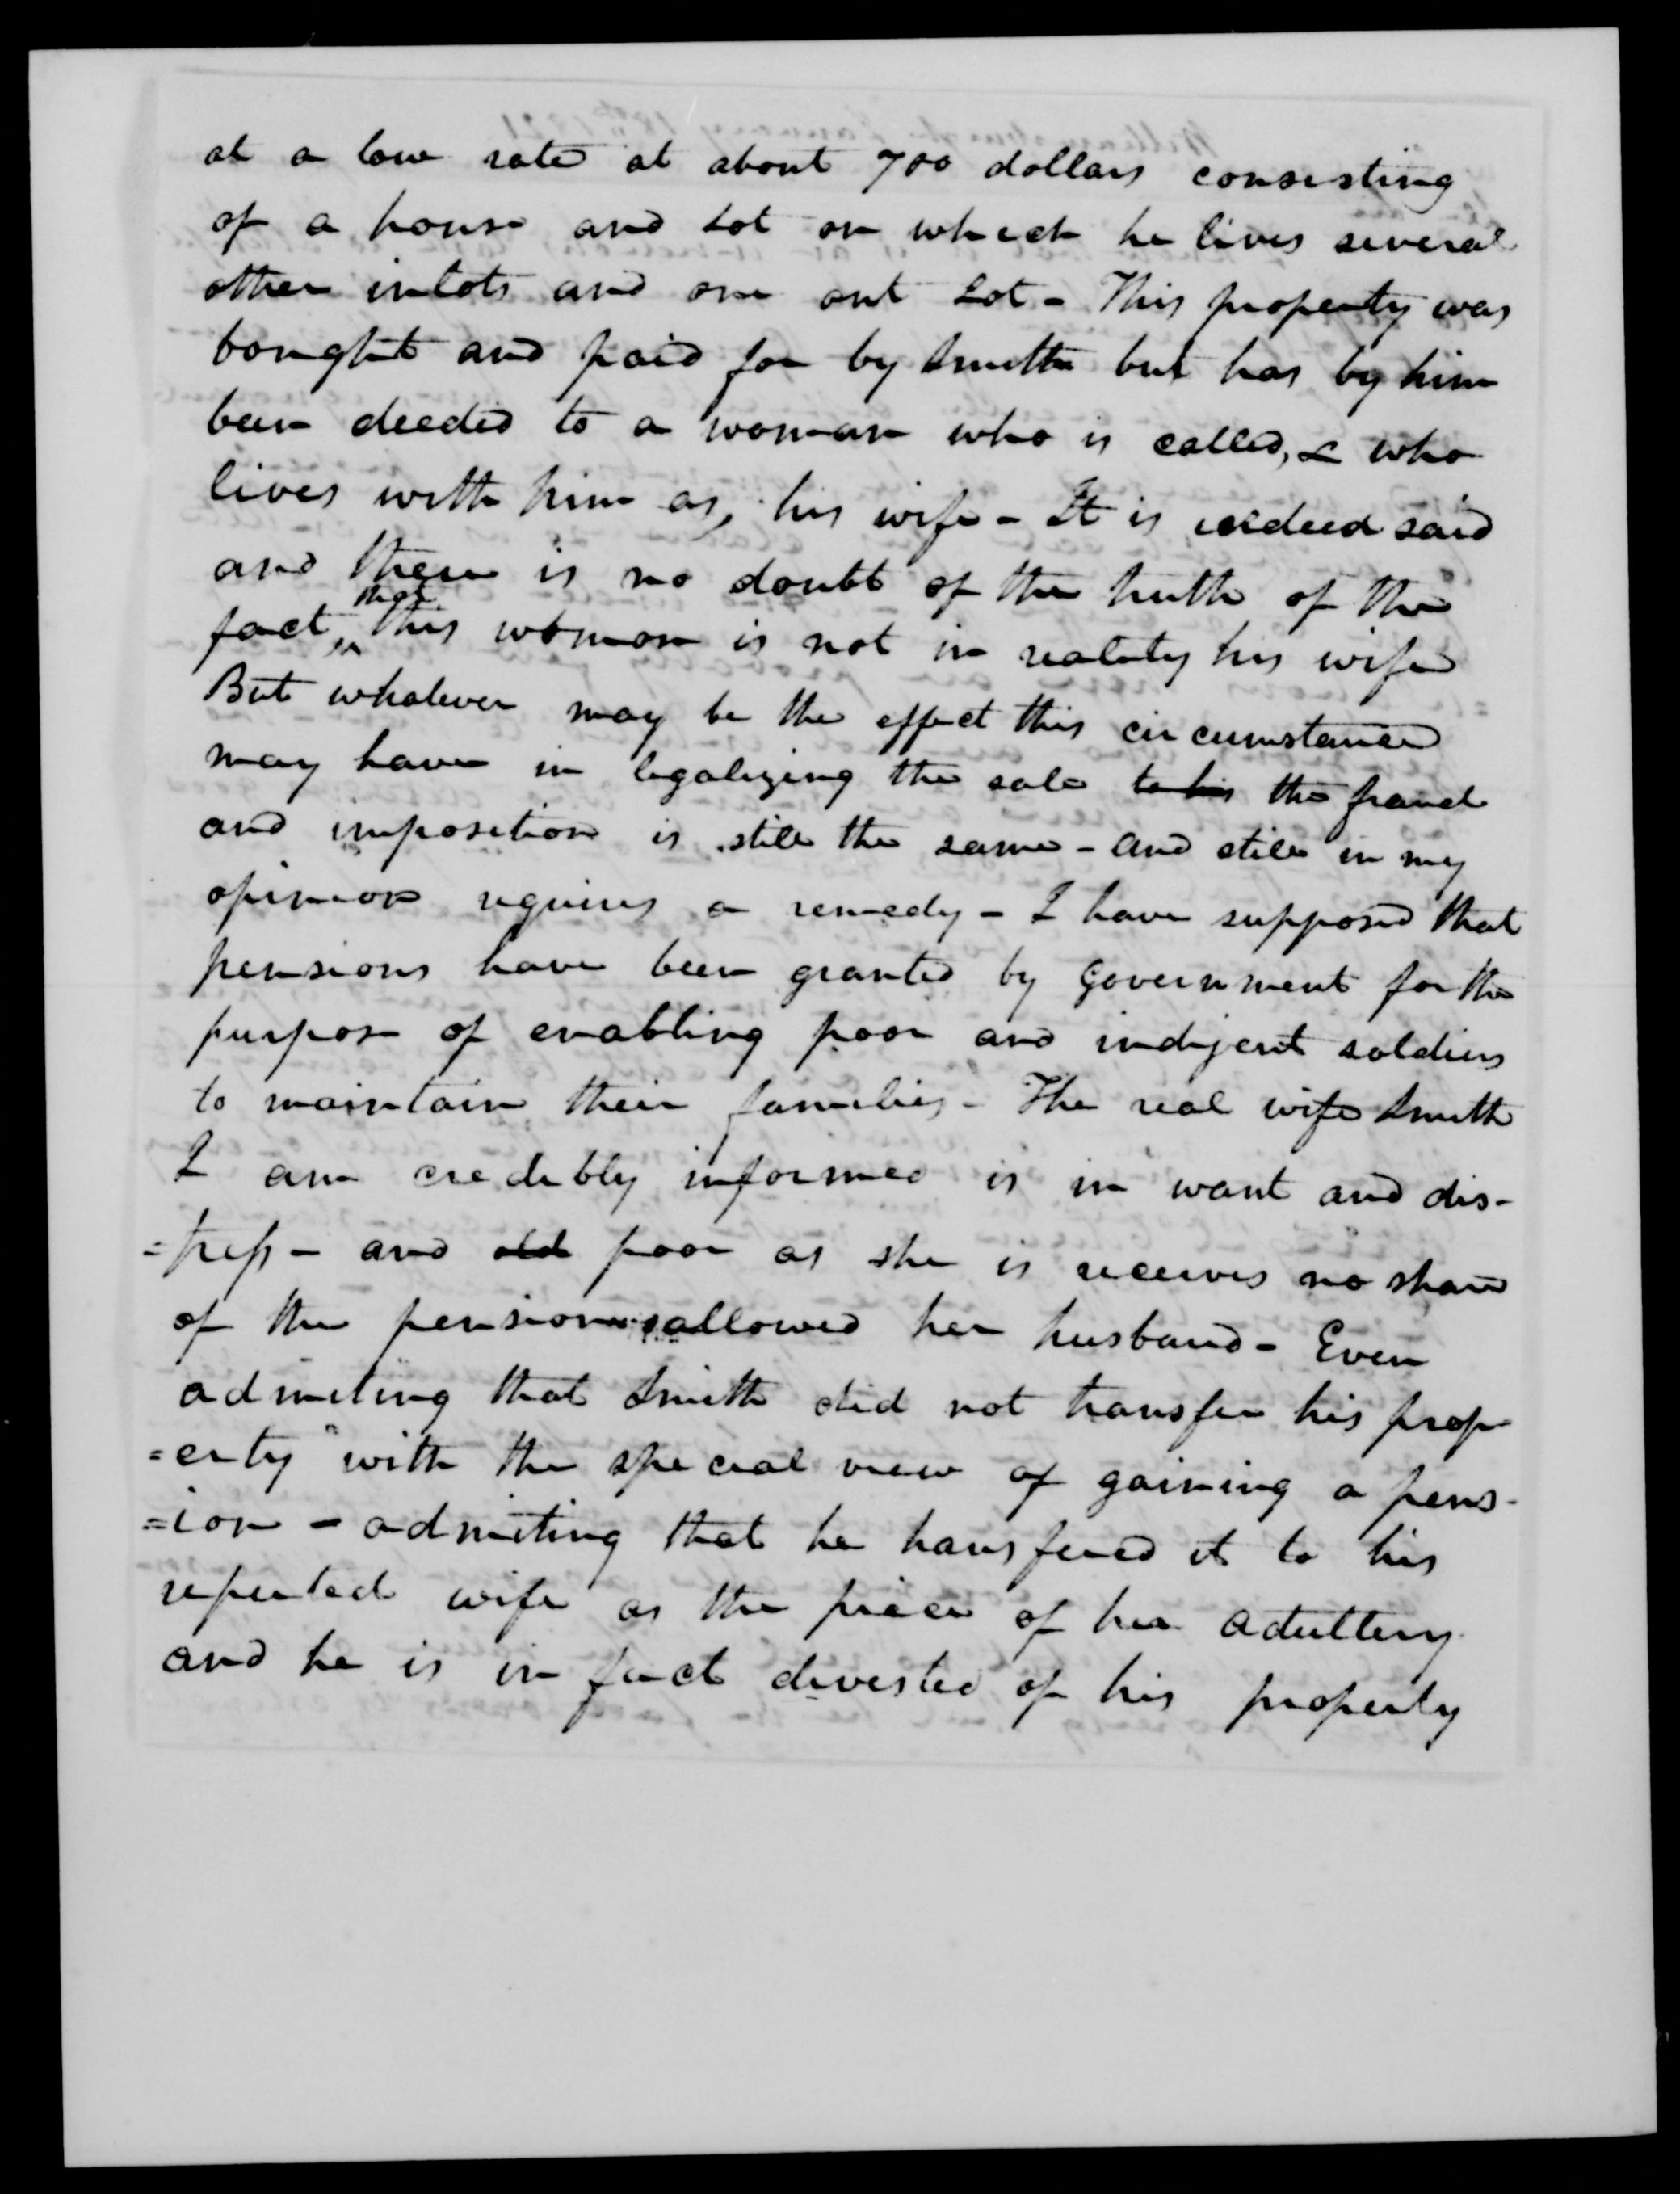at a low rate at about 700 dollars consisting of a house and lot on which he lives several other in-lots and one out lot. This property was bought and paid for by Smith but has by him been deeded to a woman who is called, & who lives with him as his wife. It is indeed said and there is no doubt of the truth of this fact that this woman is not in reality his wife But whatever may be the effect this circumstance may have in legalizing this sale ["to his" is crossed out] the fraud and imposition is still the same. and still in my opinion requires a remedy. I have supposed that pensions have been granted by government for the purpose of enabling poor and indijent [sic] soldiers to maintain their families. The real wife Smith I am credibly informed is in want and distress - and ["old" is crossed out] poor as she is receives no share of the pension allowed her husband. Even admiting [sic] that Smith did not transfer his property with the special view of gaining a pension - admiting [sic] that he transferred it to his reputed wife or the piece of his adultery and he is in fact divested of his property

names: [BLANK] Smith; [BLANK] Smith; [BLANK] Smith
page: 29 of 66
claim: survivor's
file: S 40458, for Obadiah Smith, New York